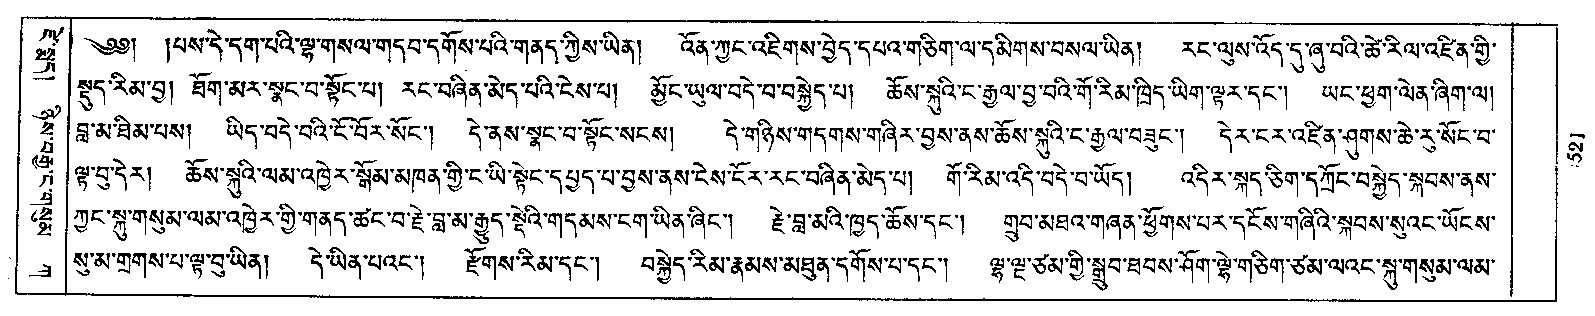༄༅། །པས་དེ་དག་པའི་ལྷ་གསལ་གདབ་དགོས་པའི་གནད་ཀྱིས་ཡིན། འོན་ཀྱང་འཇིགས་བྱེད་དཔའ་གཅིག་ལ་དམིགས་བསལ་ཡིན། རང་ལུས་འོད་དུ་ཞུ་བའི་ཚེ་རིལ་འཛིན་གྱི་
སྡུད་རིམ་བྱ། ཐོག་མར་སྣང་བ་སྟོང་བ། རང་བཞིན་མེད་པའི་ངེས་པ། མྱོང་ཡུལ་བདེ་བ་བསྐྱེད་པ། ཆོས་སྐུའི་ང་རྒྱལ་བྱ་བའི་གོ་རིམ་ཁྲིད་ཡིག་ལྟར་དང་། ཡང་ཕྱག་ལེན་ཞིག་ལ།
བླ་མ་ཐིམ་པས། ཡིད་བདེ་བའི་ངོ་བོར་སོང་། དེ་ནས་སྣང་བ་སྟོང་སངས། དེ་གཉིས་གདགས་གཞིར་བྱས་ནས་ཆོས་སྐུའི་ང་རྒྱལ་བཟུང་། དེར་ངར་འཛིན་ཤུགས་ཆེ་རུ་སོང་བ་
ལྟ་བུ་དེར། ཆོས་སྐུའི་ལམ་འཁྱེར་སྒོམ་མཁན་གྱི་ང་ཡི་སྟེང་དཔྱད་པ་བྱས་ནས་ངེས་ངོར་རང་བཞིན་མེད་པ། གོ་རིམ་འདི་བདེ་བ་ཡོད། འདིར་སྐད་ཅིག་དཀྲོང་བསྐྱེད་སྐབས་ནས་
ཀྱང་སྐུ་གསུམ་ལམ་འཁྱེར་གྱི་གནད་ཚང་བ་རྗེ་བླ་མ་རྒྱུད་སྡེའི་གདམས་ངག་ཡིན་ཞིང་། རྗེ་བླ་མའི་ཁྱད་ཆོས་དང་། གྲུབ་མཐའ་གཞན་ཕྱོགས་པར་དངོས་གཞིའི་སྐབས་སུའང་ཡོངས་
སུ་མ་གྲགས་པ་ལྟ་བུ་ཡིན། དེ་ཡིན་པའང་། རྫོགས་རིམ་དང་། བསྐྱེད་རིམ་རྣམས་མཐུན་དགོས་པ་དང་། ལྷ་ལྔ་ཙམ་གྱི་སྒྲུབ་ཐབས་ཤོག་ལྷེ་གཅིག་ཙམ་ལའང་སྐུ་གསུམ་ལམ་